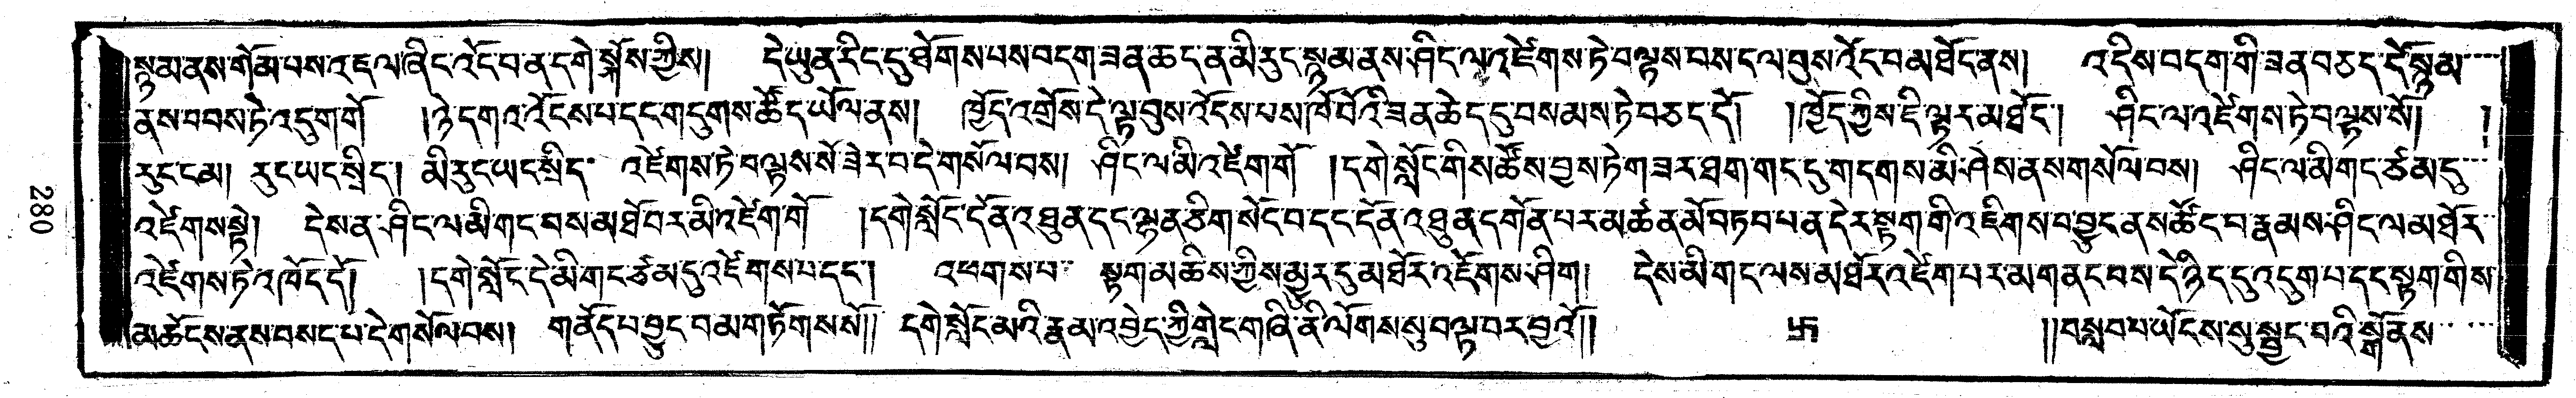སྙམ་ནས་གོམ་པས་འཇལ་ཞིང་འོང་པ་ན་དགེ་སྐོས་ཀྱིས། དེ་ཡུན་རིང་དུ་ཐོགས་པས་བདག་ཟན་ཆད་ན་མི་རུང་སྙམ་ནས་ཤིང་ལ་འཛེགས་ཏེ་བལྟས་པས་ངལ་བུས་འོང་བ་མཐོང་ནས། འདིས་བདག་གི་ཟན་བཅད་དོ་སྙམ་
ནས་བབས་ཏེ་འདུག་གོ །ཉེ་དགའ་འོངས་པ་དང་གདུགས་ཚོད་ཡོལ་ནས། ཁྱོད་འགྲོས་དེ་ལྟ་བུས་འོངས་པས་ཁོ་བོའི་ཟན་ཆེད་དུ་བསམས་ཏེ་བཅད་དོ། །ཁྱོད་ཀྱིས་ཇི་ལྟར་མཐོང་། ཤིང་ལ་འཛེགས་ཏེ་བལྟས་སོ། །
རུང་ངམ། རུང་ཡང་སྲིད། མི་རུང་ཡང་སྲིད་འཛེགས་ཏེ་བལྟས་སོ་ཟེར་བདེ་གསོལ་བས། ཤིང་ལ་མི་འཛེག་གོ །དགེ་སློང་གིས་ཚོས་བྱས་ཏེ་གཟར་ཐག་གང་དུ་གདགས་མི་ཤེས་ནས་གསོལ་བས། ཤིང་ལ་མི་གང་ཙམ་དུ་
འཛེགས་སྟེ། དེས་ན་ཤིང་ལ་མི་གང་བས་མཐོ་བར་མི་འཛེག་གོ །དགེ་སློང་དོན་འཐུན་དང་ལྷན་ཅིག་སོང་བ་དང་དོན་འཐུན་དགོན་པར་མཚན་མོ་བཏབ་པ་ན་དེར་སྟག་གི་འཇིགས་པ་བྱུང་ནས་ཚོང་པ་རྣམས་ཤིང་ལ་མཐོར་
འཛེགས་ཏེ་འཁོད་དོ། །དགེ་སློང་དེ་མི་གང་ཙམ་དུ་འཛེགས་པ་དང་། འཕགས་པ་སྟག་མཆིས་ཀྱིས་མྱུར་དུ་མཐོར་འཇོགས་ཤིག། དེས་མི་གང་ལས་མཐོར་འཛེག་པར་མ་གནང་བས་དེ་ཉིད་དུ་འདུག་པ་དང་སྟག་གིས་
མཆོངས་ནས་བསད་པ་དེ་གསོལ་བས། གནོད་པ་བྱུང་བ་མ་གཏོགས་སོ།། དགེ་སློང་མའི་རྣམ་འབྱེད་ཀྱི་གླེང་གཞི་ནི་ལོགས་སུ་བལྟ་བར་བྱའོ།། །།བསླབ་པ་ཡོངས་སུ་སྦྱང་བའི་སྒོ་ནས་